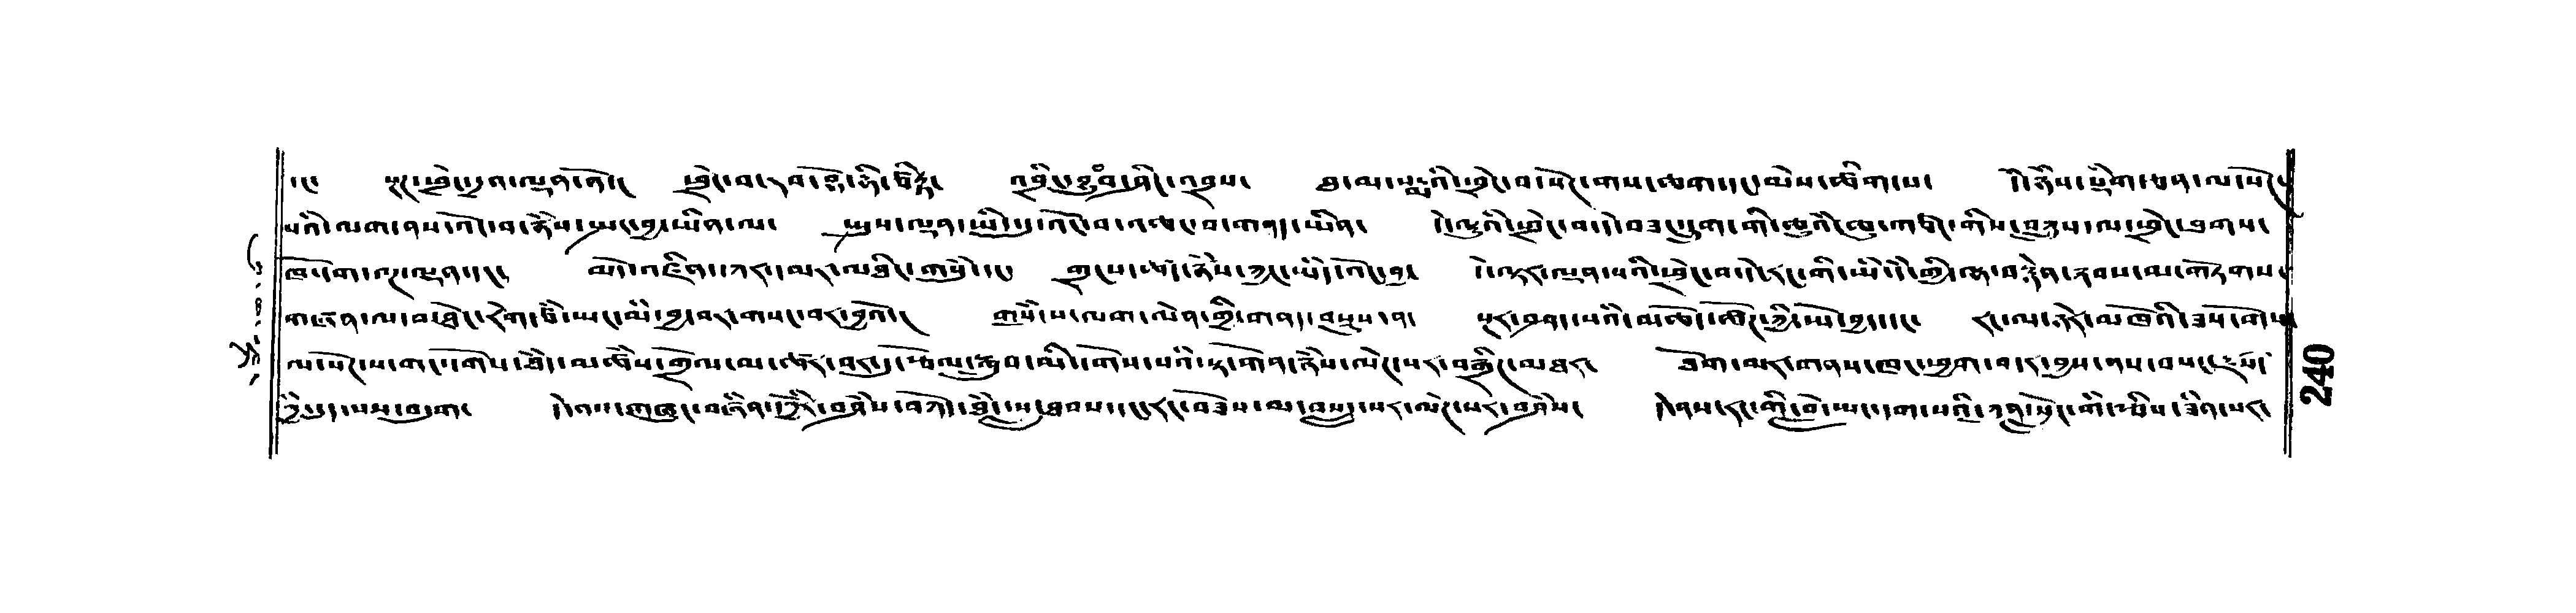དང་། སྔགས་ཕྲེང་རྒྱན་ལྡན་ནོ། ཕྲེང་བ་རབ་བྷོ་དྷི་ཙིཏྟ། འབྲིང་བྱང་ཆུབ་ཤིང་འབྲས། ཐ་མ་པདྨའི་ཕྲེང་བ་སོགས་གས་ཆག་དང་མེས་ཚིག་པ། དམ་ཉམས་སྡིག་ཅན་ལ་སོགས་
པའི་ལག་ནས་འོང་བ་རྣམས་སྤང་བྱ་ཡིན་ལ། སྤུས་ལྡན་ཡིད་དུ་འོང་བ་འཆང་བ་གནད་ཡིན། དེ་ལྟ་བུའི་ཕྲེང་བ་དེ་བཟང་དྲུག་གི་ཆུའམ་ཆུ་གཙང་གིས་བཀྲུས་ལ་ཕྲེང་ཐག་
ཁ་དོག་ལྔ་ལྡན་དང་། མདོ་འཛིན་དཀར་དམར་མཐིང་གསུམ། གྲངས་ཚད་རྣམས་ཀྱང་ཡིད་འོང་བྱ། དེ་ལྟར་ལྡན་པའི་ཕྲེང་བ་དེ་རང་གི་ཡི་དམ་གྱི་ལྷ་བསྙེན་སྐབས་མ་གཏོགས་
གཞན་ལ་མཐོང་རེག་ཙམ་ཡང་མི་བྱ་བར་གསང་བར་བྱའོ། གསུམ་པ་ལག་ལེན་གྱི་གནད་བསྡུས་ན། སྔར་བཤད་པའི་མཆོད་ཚོགས་ཀྱི་ཡོ་བྱད་དང་། རང་ལ་ཉེར་མཁོའི་ཟས་གོས་
ལ་སོགས་པ་གང་དགོས་ཐམས་ཅད་མཚམས་གྲོལ་མ་ཚར་བར་དུ་རྩོལ་སྒྲུབ་མི་དགོས་པའི་སྟ་གོན་རྣམས་ལེགས་པར་བསྒྲིགས་མཐར།ཐོག་མར་གནས་ཁང་ཕྱག་བདར་བྱས་ནས་བསང་རྫས་
ཀྱི་དུད་པས་བདུག དེ་ནས་གཞུང་བཞིན་དཀྱིལ་འཁོར་བཤམས་བཀོད་ཐམས་ཅད་སླ་ཐབས་དང་རང་བཟོས་མ་བསླད་པར་ལེགས་པར་བཤམས། དེ་ནས་རང་གི་བློ་ཡང་དག་པའི་ཀུན་སློང་གི་རྩིས་ཟིན་པར